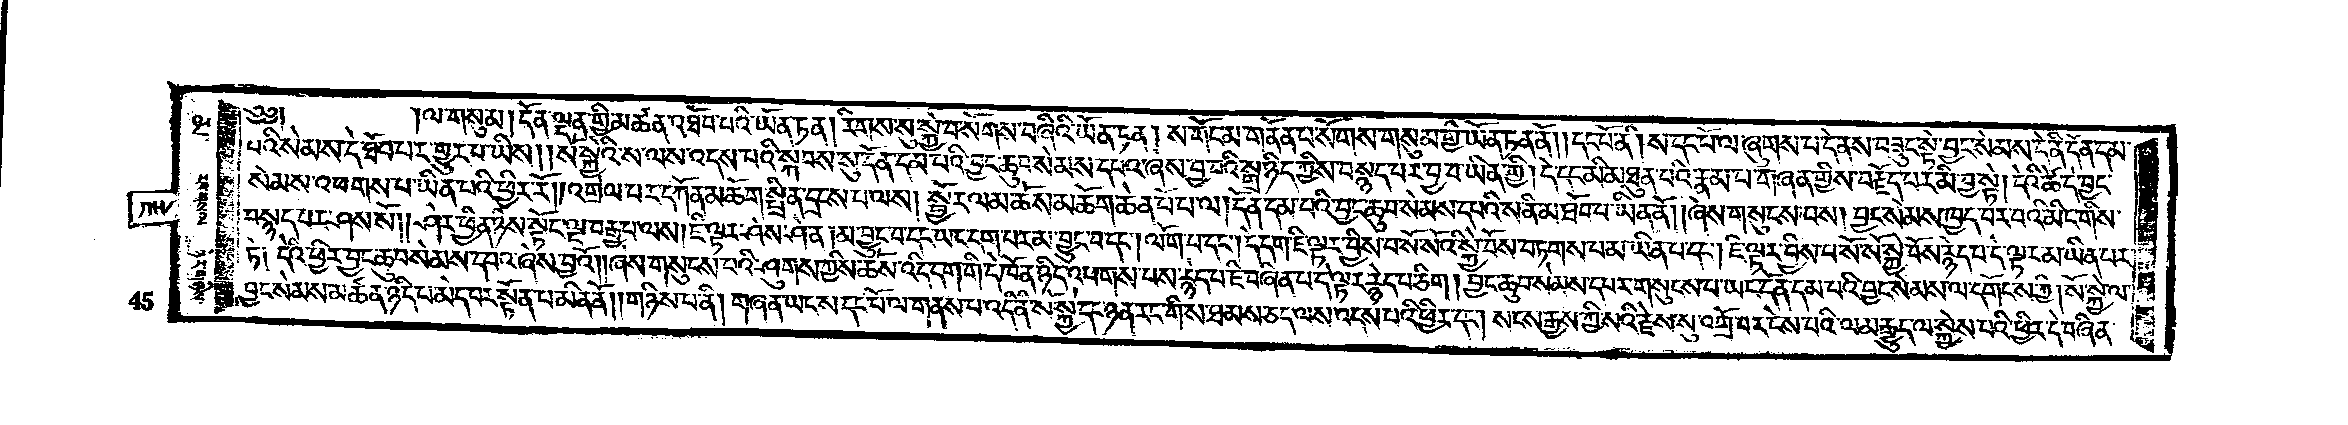༄༅། །ལ་གསུམ། དོན་ལྡན་གྱི་མཚན་འཐོབ་པའི་ཡོན་ཏན། རིགས་སུ་སྐྱེ་བ་སོགས་བཞིའི་ཡོན་ཏན། ས་གོང་མ་གནོན་པ་སོགས་གསུམ་གྱི་ཡོན་ཏན་ནོ། །དང་པོ་ནི། ས་དང་པོ་ལ་ཞུགས་པ་དེ་ནས་བཟུང་སྟེ་བྱང་སེམས་དེ་ནི་དོན་དམ་
པའི་སེམས་དེ་ཐོབ་པར་གྱུར་པ་ཡིས། །སོ་སྐྱེའི་ས་ལས་འདས་པའི་སྐབས་སུ་དོན་དམ་པའི་བྱང་ཆུབ་སེམས་དཔའ་ཞེས་བྱ་བའི་སྒྲ་ཉིད་ཀྱིས་བསྙད་པར་བྱ་བ་ཡིན་གྱི། དེ་དང་མི་མཐུན་པའི་རྣམ་པ་གཞན་གྱིས་བརྗོད་པར་མི་བྱ་སྟེ། དེའི་ཚེ་དེ་བྱང་
སེམས་འཕགས་པ་ཡིན་པའི་ཕྱིར་རོ། །འགྲེལ་པར་དཀོན་མཆོག་སྤྲིན་དྲངས་པ་ལས། སྦྱོར་ལམ་ཆོས་མཆོག་ཆེན་པོ་པ་ལ། དོན་དམ་པའི་བྱང་ཆུབ་སེམས་དཔའི་ས་ནི་མ་ཐོབ་པ་ཡིན་ནོ། །ཞེས་གསུངས་པས། བྱང་སེམས་ཁྱད་པར་བའི་མིང་གིས་
བསྙད་པར་ཤེས་སོ། །ཤེར་ཕྱིན་ཉིས་སྟོང་ལྔ་བརྒྱ་པ་ལས། ཇི་ལྟར་ཤེས་ཤེ་ན། མ་བྱུང་བ་དང་ཡང་དག་པར་མ་བྱུང་བ་དང་། ལོག་པ་དང་། དེ་དག་ཇི་ལྟར་བྱིས་པ་སོ་སོའི་སྐྱེ་བོས་བཏགས་པ་མ་ཡིན་པ་དང་། ཇི་ལྟར་བྱིས་པ་སོ་སོ་སྐྱེ་བོས་རྙེད་པ་དེ་ལྟར་མ་ཡིན་པར་
ཏེ། དེའི་ཕྱིར་བྱང་ཆུབ་སེམས་དཔའ་ཞེས་བྱའོ། །ཞེས་གསུངས་པའི་ཤུགས་ཀྱིས་ཆོས་འདི་དག་གི་དེ་ཁོ་ན་ཉིད་འཕགས་པས་རྙེད་པ་ཇི་བཞིན་པ་དེ་ལྟར་རྙེད་པ་ཅིག །བྱང་ཆུབ་སེམས་དཔར་གསུངས་པ་ཡང་དོན་དམ་པའི་བྱང་སེམས་ལ་དགོངས་ཀྱི། སོ་སྐྱེ་ལ་
བྱང་སེམས་མཚན་ཉིད་པ་མེད་པར་སྟོན་པ་མིན་ནོ། །གཉིས་པ་ནི། གཞན་ཡང་ས་དང་པོ་ལ་གནས་པ་འདི་ནི་སོ་སྐྱེ་དང་ཉན་རང་གི་ས་ཐམས་ཅད་ལས་འདས་པའི་ཕྱིར་དང་། སངས་རྒྱས་ཀྱི་སའི་རྗེས་སུ་འགྲོ་བར་ངེས་པའི་ལམ་རྒྱུད་ལ་སྐྱེས་པའི་ཕྱིར་དེ་བཞིན་